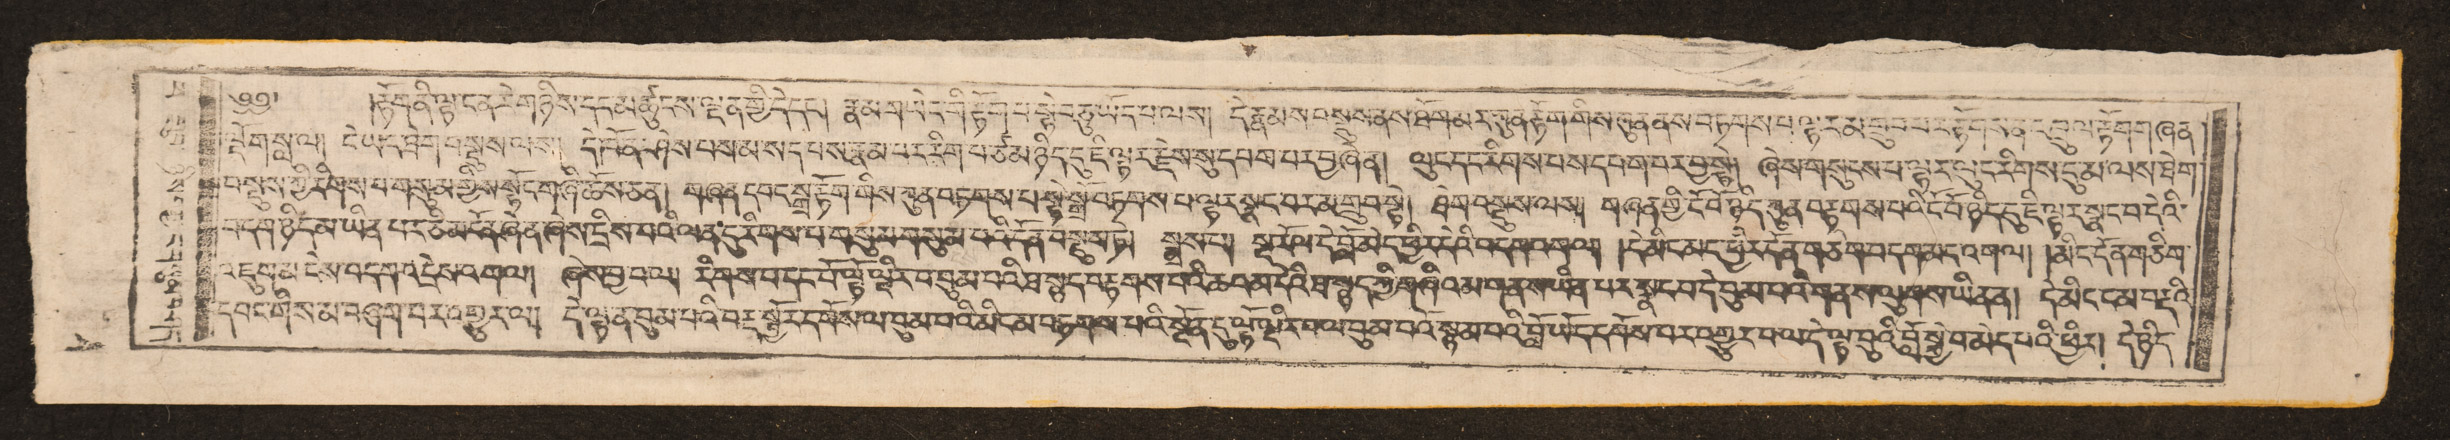༄༅། །རྟོག་ནི་ལྟ་ངན་རེ་གཉིས་དང་མཚུངས་ལྡན་གྱི་དེ་དང་། རྣམ་གཡེང་གི་རྟོག་པ་སྟེ་བཅུ་ཡོད་པ་ལས། དེ་རྣམས་བསྡུས་ནས་ཐོག་མར་ཀུན་རྟོག་གིས་ཀུན་ནས་བཏགས་པ་ལྟར་མ་གྲུབ་པར་རྟོགས་ན་འཁྲུལ་རྟོག་གཞན་
ལྡོག་སླ་ལ། དེ་ཡང་ཐེག་བསྡུས་ལས། དེ་ཁོ་ན་ཤེས་བསམ་སད་པས་རྣམ་པར་རིག་པ་ཙམ་ཉིད་དུ་ཇི་ལྟར་རྗེས་སུ་དཔག་པར་བྱ་ཞེན། ལུང་དང་རིགས་པས་དཔག་པར་བྱ་སྟེ། ཞེས་གསུངས་པ་ལྟར་ལུང་རིགས་དུ་མ་ལས་ཐེག་
བསྡུས་ཀྱི་རིགས་པ་གསུམ་གྱིས་སྟོང་གཞི་ཆོས་ཅན། གཞན་དབང་སྒྲ་རྟོག་གིས་ཀུན་བཏགས་པ་སྟེ་སྒྲོ་བཏགས་པ་ལྟར་སྣད་བར་མ་གྲུབ་སྟེ། ཐེག་བསྡུས་ལས། གཞན་གྱི་ངོ་བོ་ཉིད་ཀུན་བརྟགས་པའི་ངོ་བོ་ཉིད་དུ་ཇི་ལྟར་སྣང་བ་དེའི་
བདག་ཉིད་མ་ཡིན་པར་ཅི་མངོན་ཞེ་ན་ཞེས་དྲིས་པའི་ལན་དུ་རིགས་པ་གསུམ་གསུམ་པའི་དོན་བསྡུས་ཏེ། སྨྲས་པ། སྔ་རོལ་དེ་བློ་མེད་ཕྱིར་དེའི་བདག་འགལ། །དེ་མེད་མང་ཕྱིར་དོན་གཅིག་བདག་མང་འགལ། །མིང་དོན་གཅིག་
འཇུག་མ་ངེས་བདག་འདྲེས་འགལ། ཞེས་བྱ་བ་ལ། རིགས་པ་དང་པོ་ལྟོ་ལྡིར་བ་བུམ་པའི་ཐ་སྙད་བརྟགས་པའི་ཆ་འམ་དེའི་ཐ་སྙད་ཀྱི་གཞི་འམ་གནས་ཡིན་པར་སྣང་བ་དེ་བུམ་པའི་གནས་ལུགས་ཡིན་ན། དེ་མིང་ངམ་བརྡའི་
དབང་གིས་མ་བཞག་པར་འགྱུར་ལ། དེ་ལྟ་ན་བུམ་པའི་བརྡ་སྦྱོར་དགོས་ལ་བུམ་པའི་མིང་མ་བཏགས་པའི་སྔོན་དུ་ལྟོ་ལྡིར་བ་ལ་བུམ་པའོ་སྙམ་པའི་བློ་ཡོད་དགོས་པར་འགྱུར་བ་ལ་དེ་ལྟ་བུའི་བློ་སྐྱེ་བ་མེད་པའི་ཕྱིར། དེ་ཉིད་